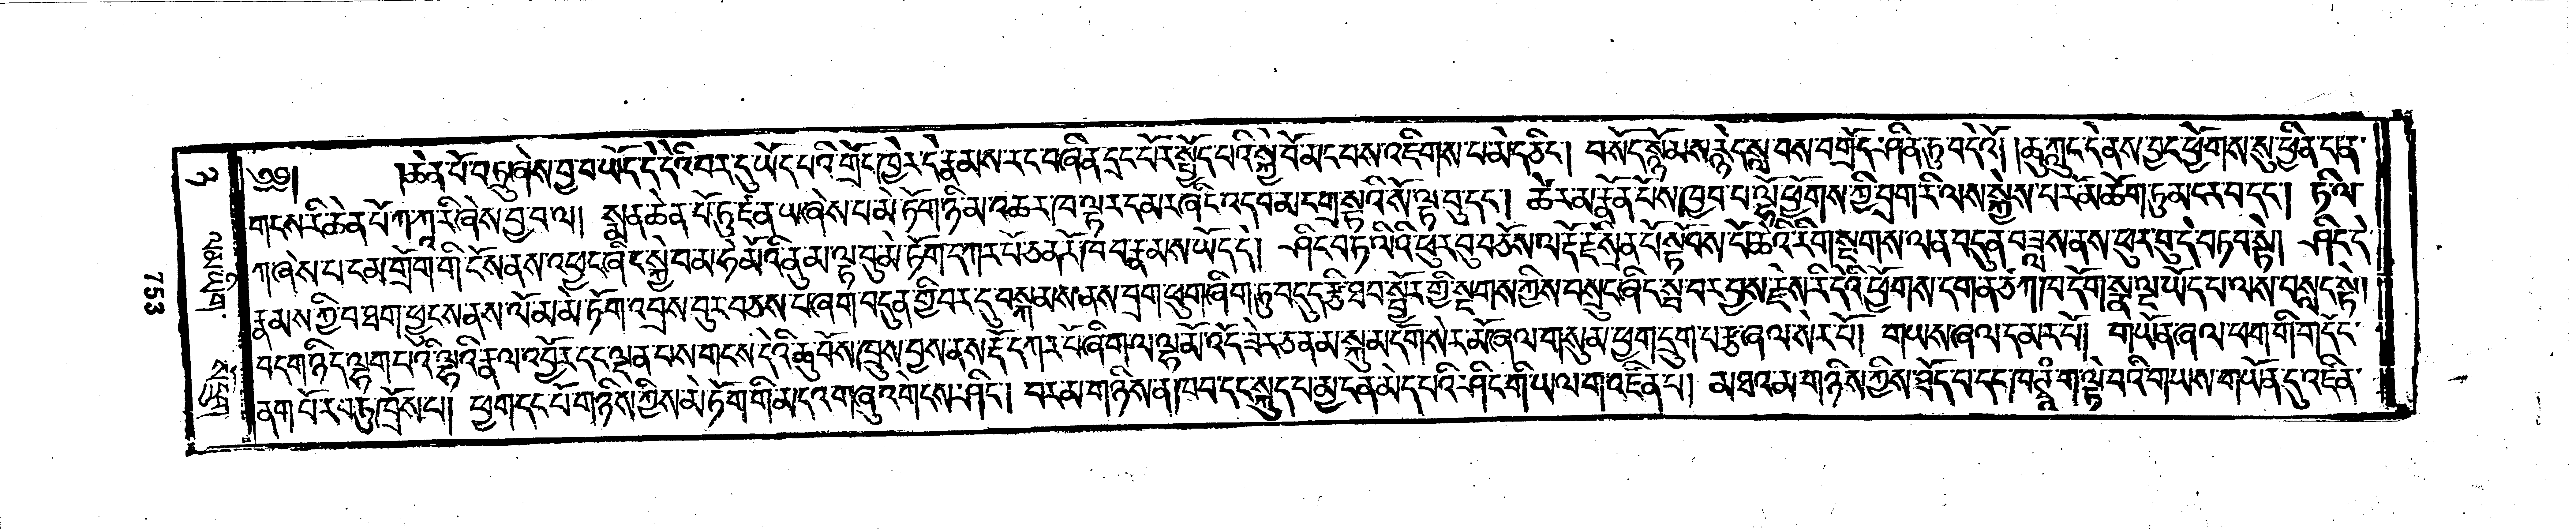༄༅། །ཆེན་པོ་བཏྲུ་ཞེས་བྱ་བ་ཡོད་དེ་དེའི་བར་དུ་ཡོད་པའི་གྲོང་ཁྱེར་དེ་རྣམས་རང་བཞིན་དྲང་པོར་སྤྱོད་པའི་སྐྱེ་བོ་མང་བས་འཇིགས་པ་མེད་ཅིང་། བསོད་སྙོམས་རྙེད་སླ་བས་བགྲོད་ཤིན་ཏུ་བདེའོ། །ཆུ་ཀླུང་དེ་ནས་བྱང་ཕྱོགས་སུ་ཕྱིན་པ་ན་
གངས་རི་ཆེན་པོ་ཀ་ཀཱ་རི་ཞེས་བྱ་བ་ལ། སྨན་ཆེན་པོ་ཏུ་ཛ་ན་ཡ་ཞེས་པ་མེ་ཏོག་ཉི་མ་འཆར་ཁ་ལྟར་དམར་ཞིང་འདབ་མང་གྲ་སྟའི་སོ་ལྟ་བུ་དང་། ཚེར་མ་རྣོན་པོས་ཁྱབ་པ་ལྷོ་ཕྱོགས་ཀྱི་བྲག་རི་ལས་སྐྱེས་པ་རོ་མཆོག་ཏུ་མངར་བ་དང་། ཏི་ལ་
ཀ་ཞེས་པ་ངམ་གྲོག་གི་ངོས་ནས་འཕྱང་ཞིང་སྐྱེ་བ་མ་ཧེ་མོའི་ནུ་མ་ལྟ་བུ་མེ་ཏོག་དཀར་པོ་ཅན་རོ་ཁ་བ་རྣམས་ཡོད་དེ། ཤིང་བཏ་ལིའི་ཕུར་བུ་བཅོས་ལ་རྡོ་རྗེ་སྲིན་པོ་སྟོབས་པོ་ཆེའི་རིག་སྔགས་ལན་བདུན་བཟླས་ནས་ཕུར་བུ་དེ་བཏབ་སྟེ། ཤིང་དེ་
རྣམས་ཀྱི་བ་ཐག་ཕྱུངས་ནས་ལོ་མ་མེ་ཏོག་འབྲས་བུར་བཅས་པ་ཞག་བདུན་གྱི་བར་དུ་བསྐམས་ནས་བྲག་ཕུག་ཞིག་ཏུ་བདུད་རྩི་ཐབ་སྦྱོར་གྱི་སྔགས་ཀྱིས་བསྲུང་ཞིང་སྦ་བར་བྱས་རྗེས་རི་དེའི་ཕྱོགས་དག་ན་ཙ་ཀ་ཁ་དོག་སྣ་ལྔ་ཡོད་པ་ལས་བསླང་སྟེ།
བདག་ཉིད་ལྷག་པའི་ལྷའི་རྣལ་འབྱོར་དང་ལྡན་བས་གངས་དེའི་ཆུ་བོས་ཁྲུས་བྱས་ནས་རྡོ་དཀར་པོ་ཞི་ག་ལ་ལྷ་མོ་འོད་ཟེར་ཅན་མ་སྐུ་མདོག་སེར་མོ་ཞལ་གསུམ་ཕྱག་དྲུག་པ་རྩ་ཞལ་སེར་པོ། གཡས་ཞལ་དམར་པོ། གཡོན་ཞལ་ཕག་གི་གདོང་
ནག་པོ་རབ་ཏུ་ཁྲོས་པ། ཕྱག་དང་པོ་གཉིས་ཀྱིས་མེ་ཏོག་གི་མངའ་གཟུ་འགེངས་ཤིང་། བར་མ་གཉིས་ན་ཁབ་དང་སྐུད་པ་མྱ་ངན་མེད་པའི་ཤིང་གི་ཡལ་ག་འཛིན་པ། མཐའ་མ་གཉིས་ཀྱིས་ཐོད་པ་དང་ཁ་ཊྭཱཾ་ག་ལྟེ་བའི་གཡས་གཡོན་དུ་འཛིན་